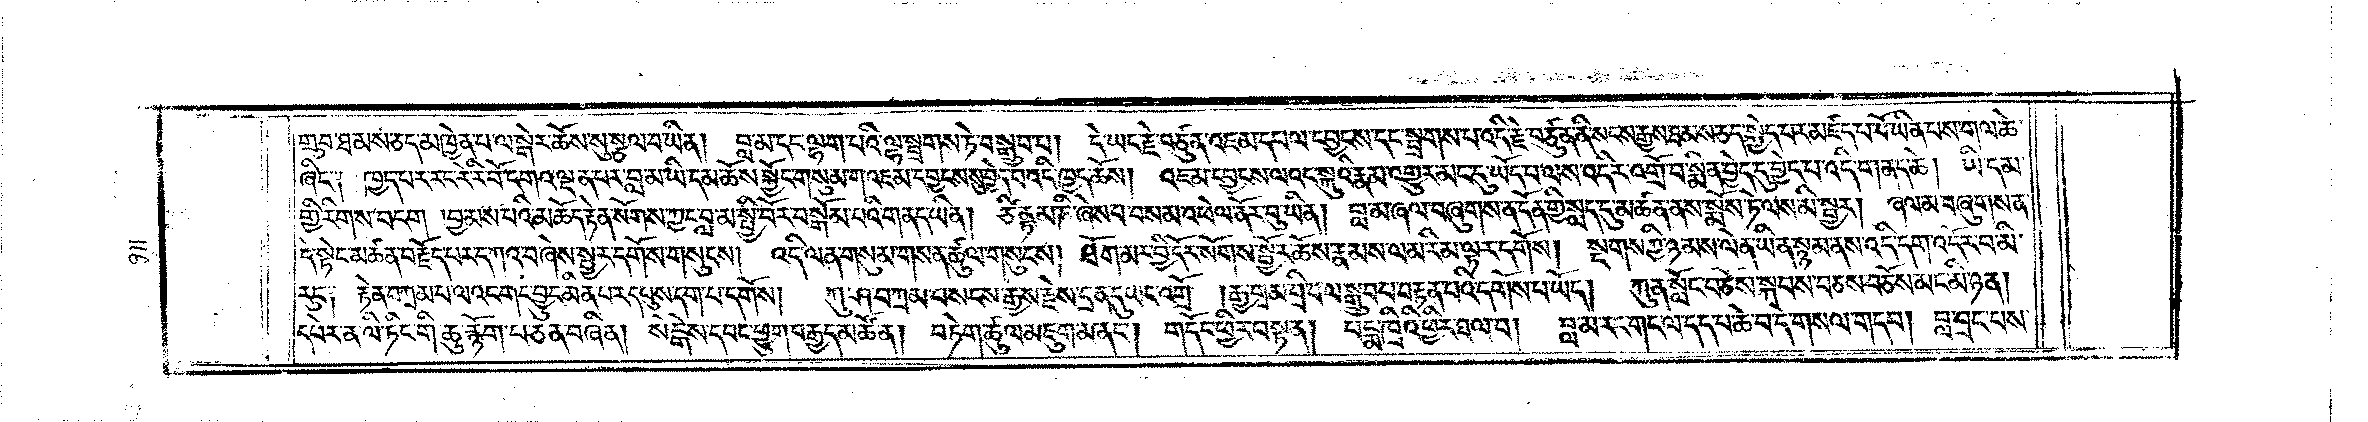གྲུབ་ཐམས་ཅད་མཁྱེན་པ་ལ་སྒེར་ཆོས་སུ་སྩལ་བ་ཡིན། བླ་མ་དང་ལྷག་པའི་ལྷ་སྦྲགས་ཏེ་བསྒྲུབ་པ། དེ་ཡང་རྗེ་བཙུན་འཇམ་དཔལ་དབྱངས་དང་སྦྲགས་པ་འདི་རྗེ་བཙུན་ནི་སངས་རྒྱས་ཐམས་ཅད་སྐྱེད་པར་མཛད་པ་པོ་ཡིན་པས་གལ་ཆེ་
ཞིང༑ ཁྱད་པར་རང་རེ་རི་བོ་དགའ་ལྡན་པར་བླ་མ་ཡི་དམ་ཆོས་སྐྱོང་གསུམ་ག་འཇམ་དབྱངས་སུ་བྱེད་བ་འདི་ཁྱད་ཆོས། འཇམ་དབྱངས་ལའང་སྐུའི་རྣམ་འགྱུར་མང་དུ་ཡོད་པ་ལས་འདིར་འགྲོ་བ་སྨིན་བྱེད་དུ་བྱེད་པ་འདི་གནད་ཆེ། ཡི་དམ་
གྱི་རིགས་བདག །བྱམས་པའི་མཆོད་རྟེན་སོགས་ཀྱང་བླ་མ་སྤྱི་བོར་བསྒོམ་པའི་གནད་ཡིན། ཙིནྟ་མ་ཎི་ཞེས་པ་བསམ་འཕེལ་ནོར་བུ་ཡིན། བླ་མ་ཞལ་བཞུགས་ན་དོན་གྱི་སླད་དུ་མཚན་ནས་སྨོས་ཏེ་ལས་མི་སྦྱར། ཞལ་མ་བཞུགས་ན་
དེ་སྟེང་མཚན་བརྗོད་པར་དཀའ་བ་ཞེས་སྦྱར་དགོས་གསུངས། འདི་ལན་གསུམ་གསན་ཚུལ་གསུངས། ཐོག་མར་བྱི་དོར་སོགས་སྦྱོར་ཆོས་རྣམས་ལམ་རིམ་ལྟར་དགོས། སྔགས་ཀྱི་ཉམས་ལེན་ཡིན་སྙམ་ནས་འདི་དག་འདོར་བ་མི་
རུང༑ རྟེན་བཀྲམ་པ་ལའང་གང་བྱུང་མིན་པར་དཔུས་དག་པ་དགོས། ཀུ་ཤ་བཀྲམ་པ་སངས་རྒྱས་རྗེས་དྲན་དུ་ཡང་འགྲོ་།རྒྱ་གྲམ་བྲི་བ་ལ་སྒྲུབ་པ་བརྟན་པའི་དགོས་པ་ཡོད། ཀུན་སློང་བཅོས་སྐབས་བཅས་བཅོས་མང་མི་ཉན།
དཔེར་ན་ལི་ཏིང་གི་ཆུ་རྙོག་པ་ཅན་བཞིན། སེངྒེས་དབང་ཕྱུག་བརྒྱད་མཚོན། བཏེག་ཚུལ་མཇུག་མ་ནང་། གདོང་ཕྱིར་བསྟན། པདམ་ཁྲིའི་ཕྱིར་ཐལ་བ། བླ་མ་རང་གང་ལ་དད་པ་ཆེ་བ་དེ་གསལ་གདབ། བླ་བྲང་པས་